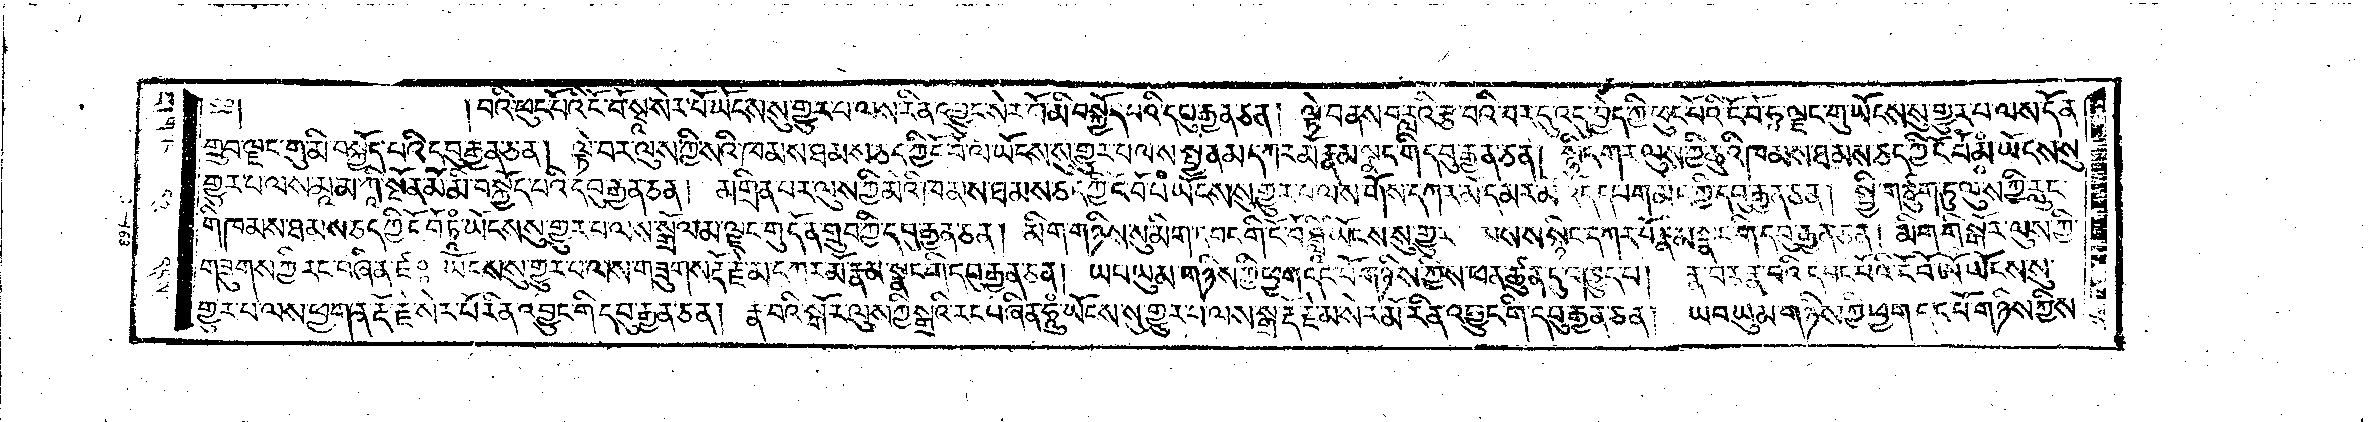༄༅། །བའི་ཕུང་པོའི་ངོ་བོ་སྭཱ་སེར་པོ་ཡོངས་སུ་གྱུར་པ་ལས་རིན་འབྱུང་སེར་བོ་མི་བསྐྱོད་པའི་དབུ་རྒྱན་ཅན། ལྟེ་བ་ནས་བརླའི་རྩ་བའི་བར་བུ་འདུ་བྱེད་ཀྱི་ཕུང་པོའི་ངོ་བོ་ཧཱ་ལྗང་གུ་ཡོངས་སུ་གྱུར་པ་ལས་དོན་
གྲུབ་ལྷང་གུ་མི་བསྐྱོད་པའི་དབུ་རྒྱན་ཅན། ལྟེ་བར་ལུས་ཀྱི་སའི་ཁམས་ཐམས་ཅད་ཀྱི་ངོ་བོ་ལ་ཡོངས་སུ་གྱུར་པ་ལས་སྤྱན་མ་དཀར་མོ་རྣམ་སྣང་གི་དབུ་རྒྱན་ཅན། སྙིང་གར་ལུས་ཀྱི་ཆུའི་ཁམས་ཐམས་ཅད་ཀྱི་ངོ་བོ་མཾ་ཡོང་སུ་
གྱུར་པ་ལས་མཱ་མ་ཀཱི་སྔོན་མོ་མི་བསྐྱོད་པའི་དབུ་རྒྱན་ཅན། མགྲིན་པར་ལུས་ཀྱི་མེའི་ཁམས་ཐམས་ཅད་ཀྱི་ངོ་བོ་པཾ་ཡོངས་སུ་གྱུར་པ་ལས་གོས་དཀར་མོ་དམར་མོ་འོད་དཔག་མེད་ཀྱི་དབུ་རྒྱན་ཅན། སྤྱི་གཙུག་ཏུ་ལུས་ཀྱི་རླུང་
གི་ཁམས་ཐམས་ཅད་ཀྱི་ངོ་བོ་ཏཱཾ་ཡོངས་སུ་གྱུར་པ་ལས་སྒྲོལ་མ་ལྗང་གུ་དོན་གྲུབ་ཀྱི་དབུ་རྒྱན་ཅན། མིག་གཉིས་སུ་མིག་དབང་གི་ངོ་བོ་ཐིལ་ཡོངས་སུ་གྱུར་པ་ལས་ས་སྙིང་དཀར་པོ་རྣམས་སྣང་གི་དབུ་རྒྱན་ཅན། མིག་གི་སྒོར་ལུས་ཀྱི་
གཟུགས་ཀྱི་རང་བཞིན་རྫཿ ཡོངས་སུ་གྱུར་པ་ལས་གཟུགས་རྡོ་རྗེ་མ་དཀར་མོ་རྣམ་སྣང་གི་དབུ་རྒྱན་ཅན། ཡབ་ཡུམ་གཉིས་ཀྱི་ཕྱག་དང་པོ་གཉིས་ཀྱིས་ཕན་ཚུན་དུ་འཁྱུད་པ། རྣ་བར་རྣ་བའི་དབང་པོའི་ངོ་བོ་ཨོ་ཡོངས་སུ་
གྱུར་པ་ལས་ཕྱག་ན་རྡོ་རྗེ་སེར་པོ་རིན་འབྱུང་གི་དབུ་རྒྱན་ཅན། རྣ་བའི་སྒོར་ལུས་ཀྱི་སྒྲའི་རང་བཞིན་ཧཱུཾ་ཡོངས་སུ་གྱུར་པ་ལས་སྒྲ་རྡོ་རྗེ་མ་སེར་མོ་རིན་འབྱུང་གི་དབུ་རྒྱན་ཅན། ཡབ་ཡུམ་གཉིས་ཀྱི་ཕྱག་དང་པོ་གཉིས་ཀྱིས་